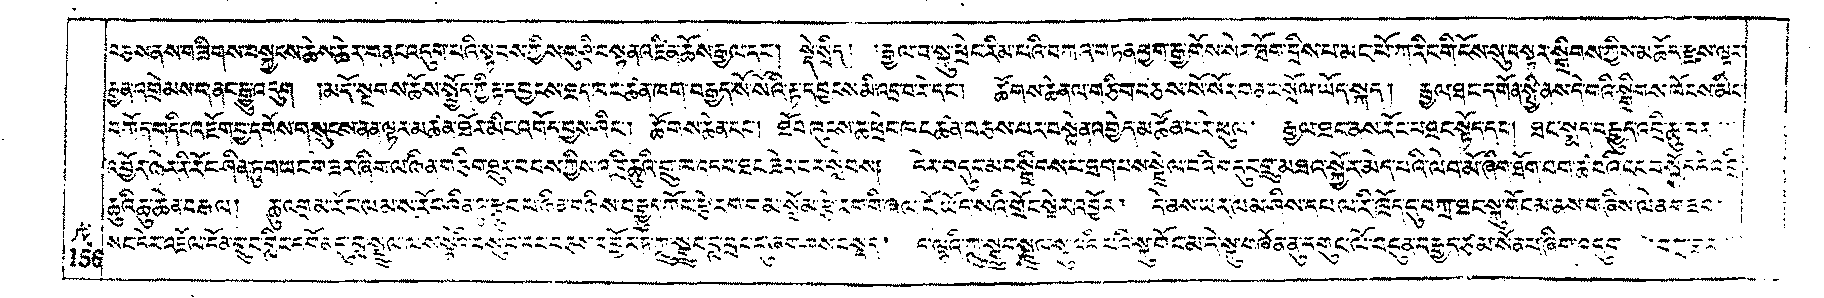བཅས་ནས་གཟིགས་བསྐྱངས་ཆེས་ཆེར་གནང་འདུག་པའི་སྟབས་ཀྱིས་གུ་ཤྲི་བསྟན་འཛིན་ཆོས་རྒྱལ་དང་། སྡེ་སྲིད། ༧རྒྱལ་བ་སྐུ་ཕྲེང་རིམ་པའི་བཀའ་གཏན་ཕྱག་རྒྱ་གོས་སེར་ཐོག་བྲིས་པ་མང་པོ་ཀ་རིང་གི་ངོས་སུ་བསྟར་སྒྲིགས་ཀྱིས་མཆོད་རྫས་ལྟར་
རྒྱན་འགྲེམས་གནང་རྒྱུ་འདུག །མདོ་སྔགས་ཆོས་སྤྱོད་ཀྱི་རྟ་དབྱངས་ཐད་ཁང་ཚན་ཁག་བརྒྱད་སོ་སོའི་རྟ་དབྱངས་མི་འདྲ་བ་རེ་དང་། ཚོགས་ཆེན་ལ་གཅིག་བཅས་སོ་སོར་གནང་སྲོལ་ཡོད་སྐད། རྒྱལ་ཐང་དགོན་སྤྱི་ནས་དེ་གའི་སྒྲིགས་ཁོངས་མིང་
བཀོད་གདིང་འཇོག་བྱ་དགོས་གསུངས་ནན་ལྟར་མཚན་ཐོར་མིང་འགོད་བྱས་ཤིང་། ཚོགས་ཆེན་དང་། ཐོབ་ཁུངས་ཆ་ཕྲེང་ཁང་ཚན་བཅས་པར་བསྙེན་འགྱེད་མཚོན་པ་རེ་ཕུལ། རྒྱལ་ཐང་ནས་རོང་པ་ཐང་སྟོད་དང་། ཐང་སྨད་བརྒྱུད་འབྲི་ཆུ་ཁར་
འབྱོར་ཉེར་རི་རོང་ཤིན་ཏུ་གཡང་གཟར་ཞིག་ལ་ཉིན་གཅིག་ཐུར་བབས་ཀྱིས་འབྲི་ཆུའི་གྲུ་ཁ་འདབ་ཐང་ཟེར་བར་སླེབས། དེར་གདུང་མ་བསྒྲིགས་པ་ཐག་པས་སྤྲེལ་བའི་གདུང་གྲུ་མཐའ་སྐྱོར་མེད་པའི་ལེབ་མོ་ཞིག་ཐོག་བག་ཚ་བའི་ངང་བསྐྱོད་དེ་འབྲི་
ཆུའི་ཆུ་ཆེན་བརྒལ། ཆུ་འགྲམ་རོང་ལམ་ས་རོང་ཤིན་ཏུ་རྩུབ་པ་ཉིན་གཉིས་བརྒྱུད་ཀོང་རྩེ་རག་གམ་སྤོམ་རྩེ་རག་གི་ཞལ་ངོ་ཡོད་སའི་གྲོང་སྡེར་འབྱོར། དེ་ནས་ཡར་ལམ་ཤིས་དཔལ་རི་ཁྲོད་དུ་བཀྲ་ཐང་སྐུ་གོང་མ་ནས་གཞིས་ལེན་གཟབ།
སང་དེར་འཇོལ་དོན་གྲུབ་གླིང་དགོན་དུ་བླ་སྤྲུལ་ལས་སྣེའི་བསུ་བ་དང་བཅས་འབྱོར་ཏེ་ཀླུ་སྒྲུབ་བླ་བྲང་དུ་ཞག་ཤས་བསྡད། ད་ལྟའི་ཀླུ་སྒྲུབ་སྤྲུལ་སྐུ་འདི་པའི་སྐུ་གོང་མ་དེ་སྐུ་གཞོན་ནུ་དགུང་ལོ་བདུན་བརྒྱད་ཙམ་སོན་པ་ཞིག་འདུག །བཀྲ་ཐང་